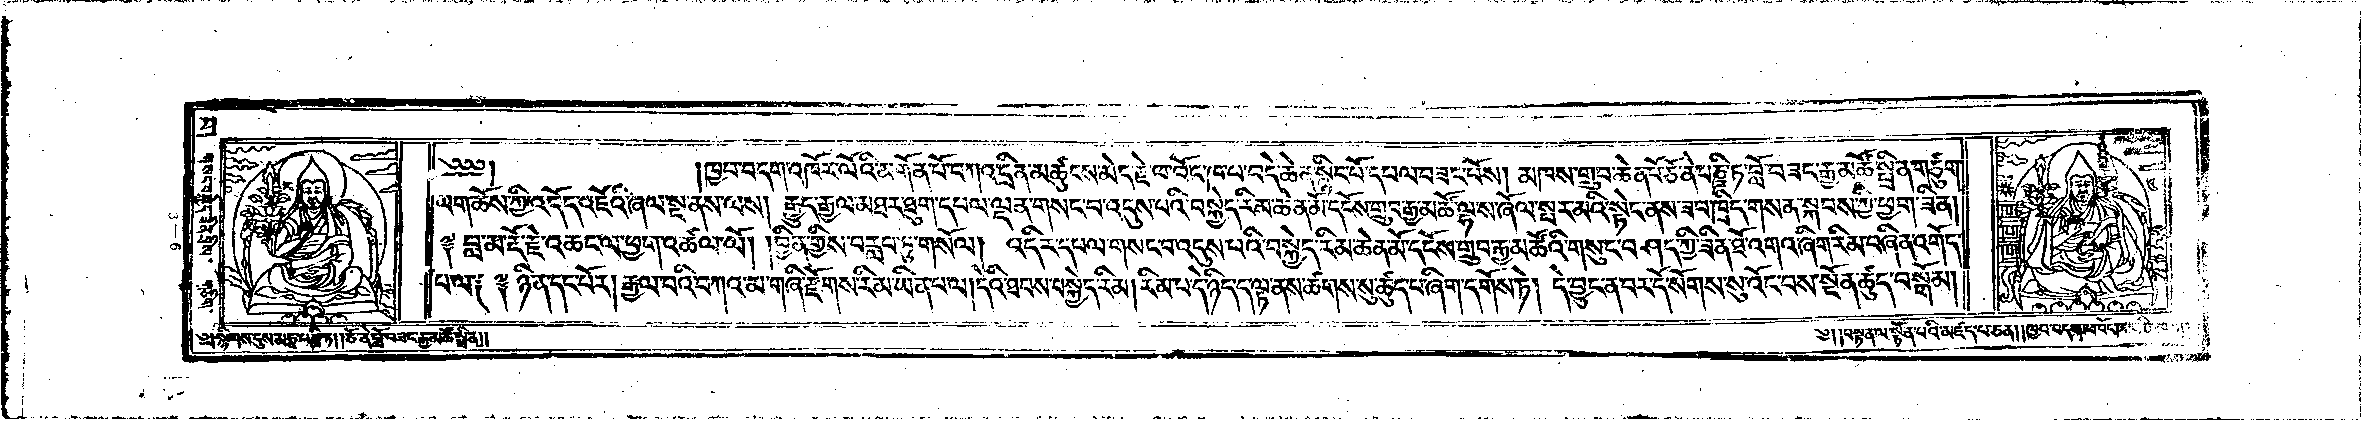༄༅༅། །ཁྱབ་བདག་འཁོར་ལོའི་མགོན་པོ་དཀའ་དྲིན་མཚུངས་མེད་རྗེ་ཕ་བོང་ཁབ་བདེ་ཆེན་སྙིང་པོ་དཔལ་བཟང་པོས། མཁས་གྲུབ་ཆེན་པོ་ཅོ་ནེ་པཎྜི་ཏ་བློ་བཟང་རྒྱ་མཚོ་སྤྲིན་གཙུག་
ལག་ཆོས་ཀྱི་འདོད་འཇོའི་ཞལ་སྔ་ནས་ལས། རྒྱུད་རྒྱལ་མཐར་ཐུག་དཔལ་ལྡན་གསང་བ་འདུས་པའི་བསྐྱེད་རིམ་ཆེན་མོ་དངོས་གྲུབ་རྒྱ་མཚོ་ལྷ་ས་ཞོལ་སྤར་མའི་སྟེང་ནས་ཟབ་ཁྲིད་གསན་སྐབས་ཀྱི་ཕྱག་ཟིན།
༈ བླ་མ་རྡོ་རྗེ་འཆང་ལ་ཕྱག་འཚལ་ལོ། །བྱིན་གྱིས་བརླབ་ཏུ་གསོལ། འདིར་དཔལ་གསང་བ་འདུས་པའི་བསྐྱེད་རིམ་ཆེན་མོ་དངོས་གྲུབ་རྒྱ་མཚོའི་གསུང་བཤད་ཀྱི་ཟིན་ཐོ་འགའ་ཞིག་རིམ་བཞིན་འགོད་
པ་ལ༑ ༈ ཉིན་དང་པོར། རྒྱལ་བའི་བཀའ་མ་གཞི་རྫོགས་རིམ་ཡིན་པ་ལ། དེའི་ཐབས་བསྐྱེད་རིམ། རིམ་པ་དེ་ཉིད་ད་ལྟ་ནས་ཚགས་སུ་ཚུད་པ་ཞིག་དགོས་ཏེ། དེ་བྱུང་ན་བར་དོ་སོགས་སུ་འོང་བས་སྔོན་ཚུད་བསྒོམ།